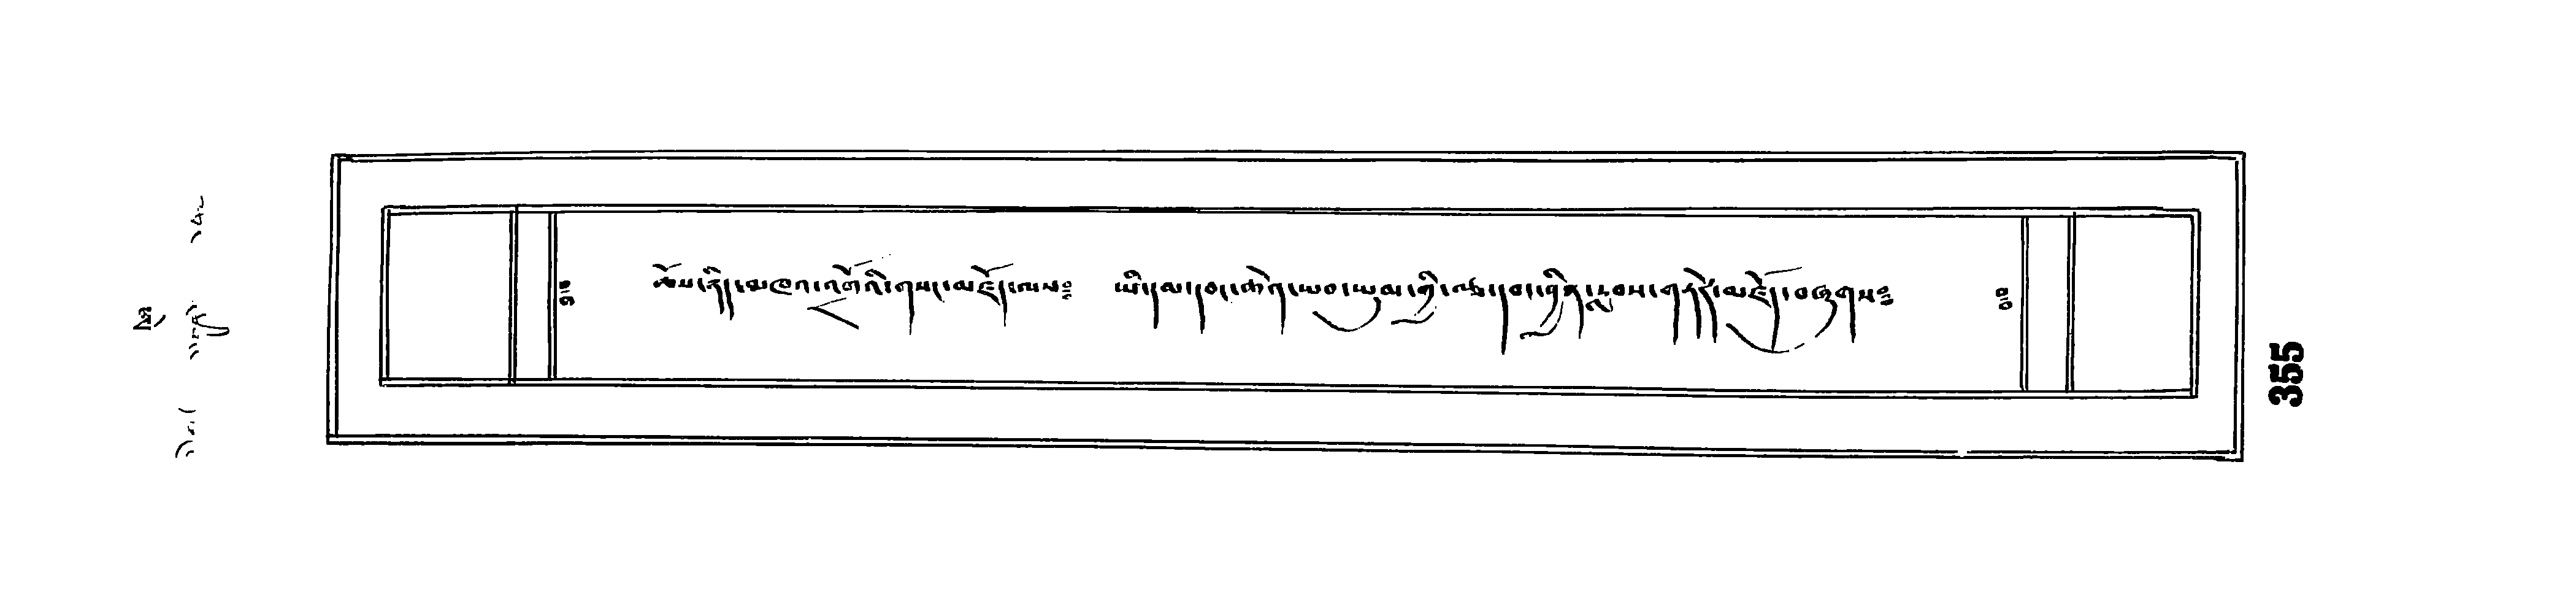ཆོས་ཉིད་མཁའ་འགྲོའི་གསང་མཛོད་ལས༔ ཡི་དམ་དབང་ཆེན་ཡབ་ཡུམ་གྱི་རྩ་དབང་བྱིན་རླབས་གཏེར་མཛོད་བཞུགས༔